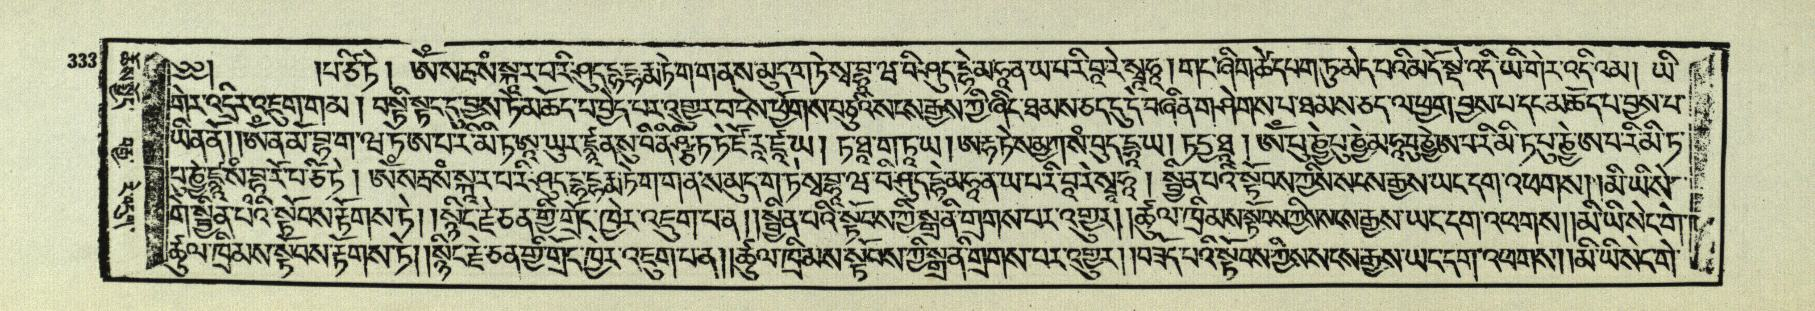༄༅། །པ་ཙི་ཏེ། ཨོཾ་སརྦ་སཾ་སྐཱ་ར་པ་རི་ཤུད་དྷ་དྷརྨ་ཏེ་ག་ག་ན་ས་མུད་ག་ཏེ་སྭ་བྷཱ་ཝ་བི་ཤུད་དྷེ་མཧཱ་ན་ཡ་པ་རི་བཱ་རེ་སྭཱཧཱ། གང་ཞིག་ཚེ་དཔག་ཏུ་མེད་པའི་མདོ་སྡེ་འདི་ཡི་གེར་འདི་འམ། ཡི་
གེར་འདྲིར་འཇུག་གམ། བསྟི་སྟང་དུ་བྱས་ཏེ་མཆོད་པ་བྱེད་པར་འགྱུར་བ་ངེས་ཕྱོགས་བཅུའི་སངས་རྒྱས་ཀྱི་ཞིང་ཐམས་ཅད་དུ་དེ་བཞིན་གཤེགས་པ་ཐམས་ཅད་ལ་ཕྱག་བྱས་པ་དང་མཆོད་པ་བྱས་པ་
ཡིན་ནོ། །ཨོཾ་ན་མོ་བྷ་ག་ཝ་ཏེ་ཨ་པ་རི་མི་ཏ་ཨཱ་ཡུར་ཛྙཱ་ན་སུ་བི་ནི་ཤྩི་ཏ་ཏེ་ཛོ་རཱ་ཛཱ་ཡ། ཏ་ཐཱ་ག་ཏཱ་ཡ། ཨརྷ་ཏེ་སམྱཀ་སཾ་བུད་དྷཱ་ཡ། ཏདྱ་ཐཱ། ཨོཾ་པུ་ཎྱེ་པུ་ཎྱེ་མཧཱ་པུ་ཎྱེ་ཨ་པ་རི་མི་ཏ་པུ་ཎྱེ་ཨ་པ་རི་མི་ཏ་
པུ་ཎྱེ་ཛྙཱ་སཾ་བྷ་རོ་པ་ཙི་ཏེ། ཨོཾ་སརྦ་སཾ་སྐཱ་ར་པ་རི་ཤུད་དྷ་དྷརྨ་ཏེ་ག་ག་ན་ས་མུད་ག་ཏེ་སྭ་བྷཱ་ཝ་བི་ཤུད་དྷེ་མཧཱ་ན་ཡ་པ་རི་བཱ་རེ་སྭཱ་ཧཱ། སྦྱིན་པའི་སྟོབས་ཀྱིས་སངས་རྒྱས་ཡང་དག་འཕགས། །མི་ཡི་སེང་
གེ་སྦྱིན་པའི་སྟོབས་རྟོགས་ཏེ། །སྙིང་རྗེ་ཅན་གྱི་གྲོང་ཁྱེར་འཇུག་པ་ན། །སྦྱིན་པའི་སྟོབས་ཀྱི་སྒྲ་ནི་གྲགས་པར་འགྱུར། །ཚུལ་ཁྲིམས་སྟོབས་ཀྱིས་སངས་རྒྱས་ཡང་དག་འཕགས། །མི་ཡི་སེང་གེ་
ཚུལ་ཁྲིམས་སྟོབས་རྟོགས་ཏེ། །སྙིང་རྗེ་ཅན་གྱི་གྲོང་ཁྱེར་འཇུག་པ་ན། །ཚུལ་ཁྲིམས་སྟོབས་ཀྱི་སྒྲ་ནི་གྲགས་པར་འགྱུར། །བཟོད་པའི་སྟོབས་ཀྱིས་སངས་རྒྱས་ཡང་དག་འཕགས། །མི་ཡི་སེང་གེ་